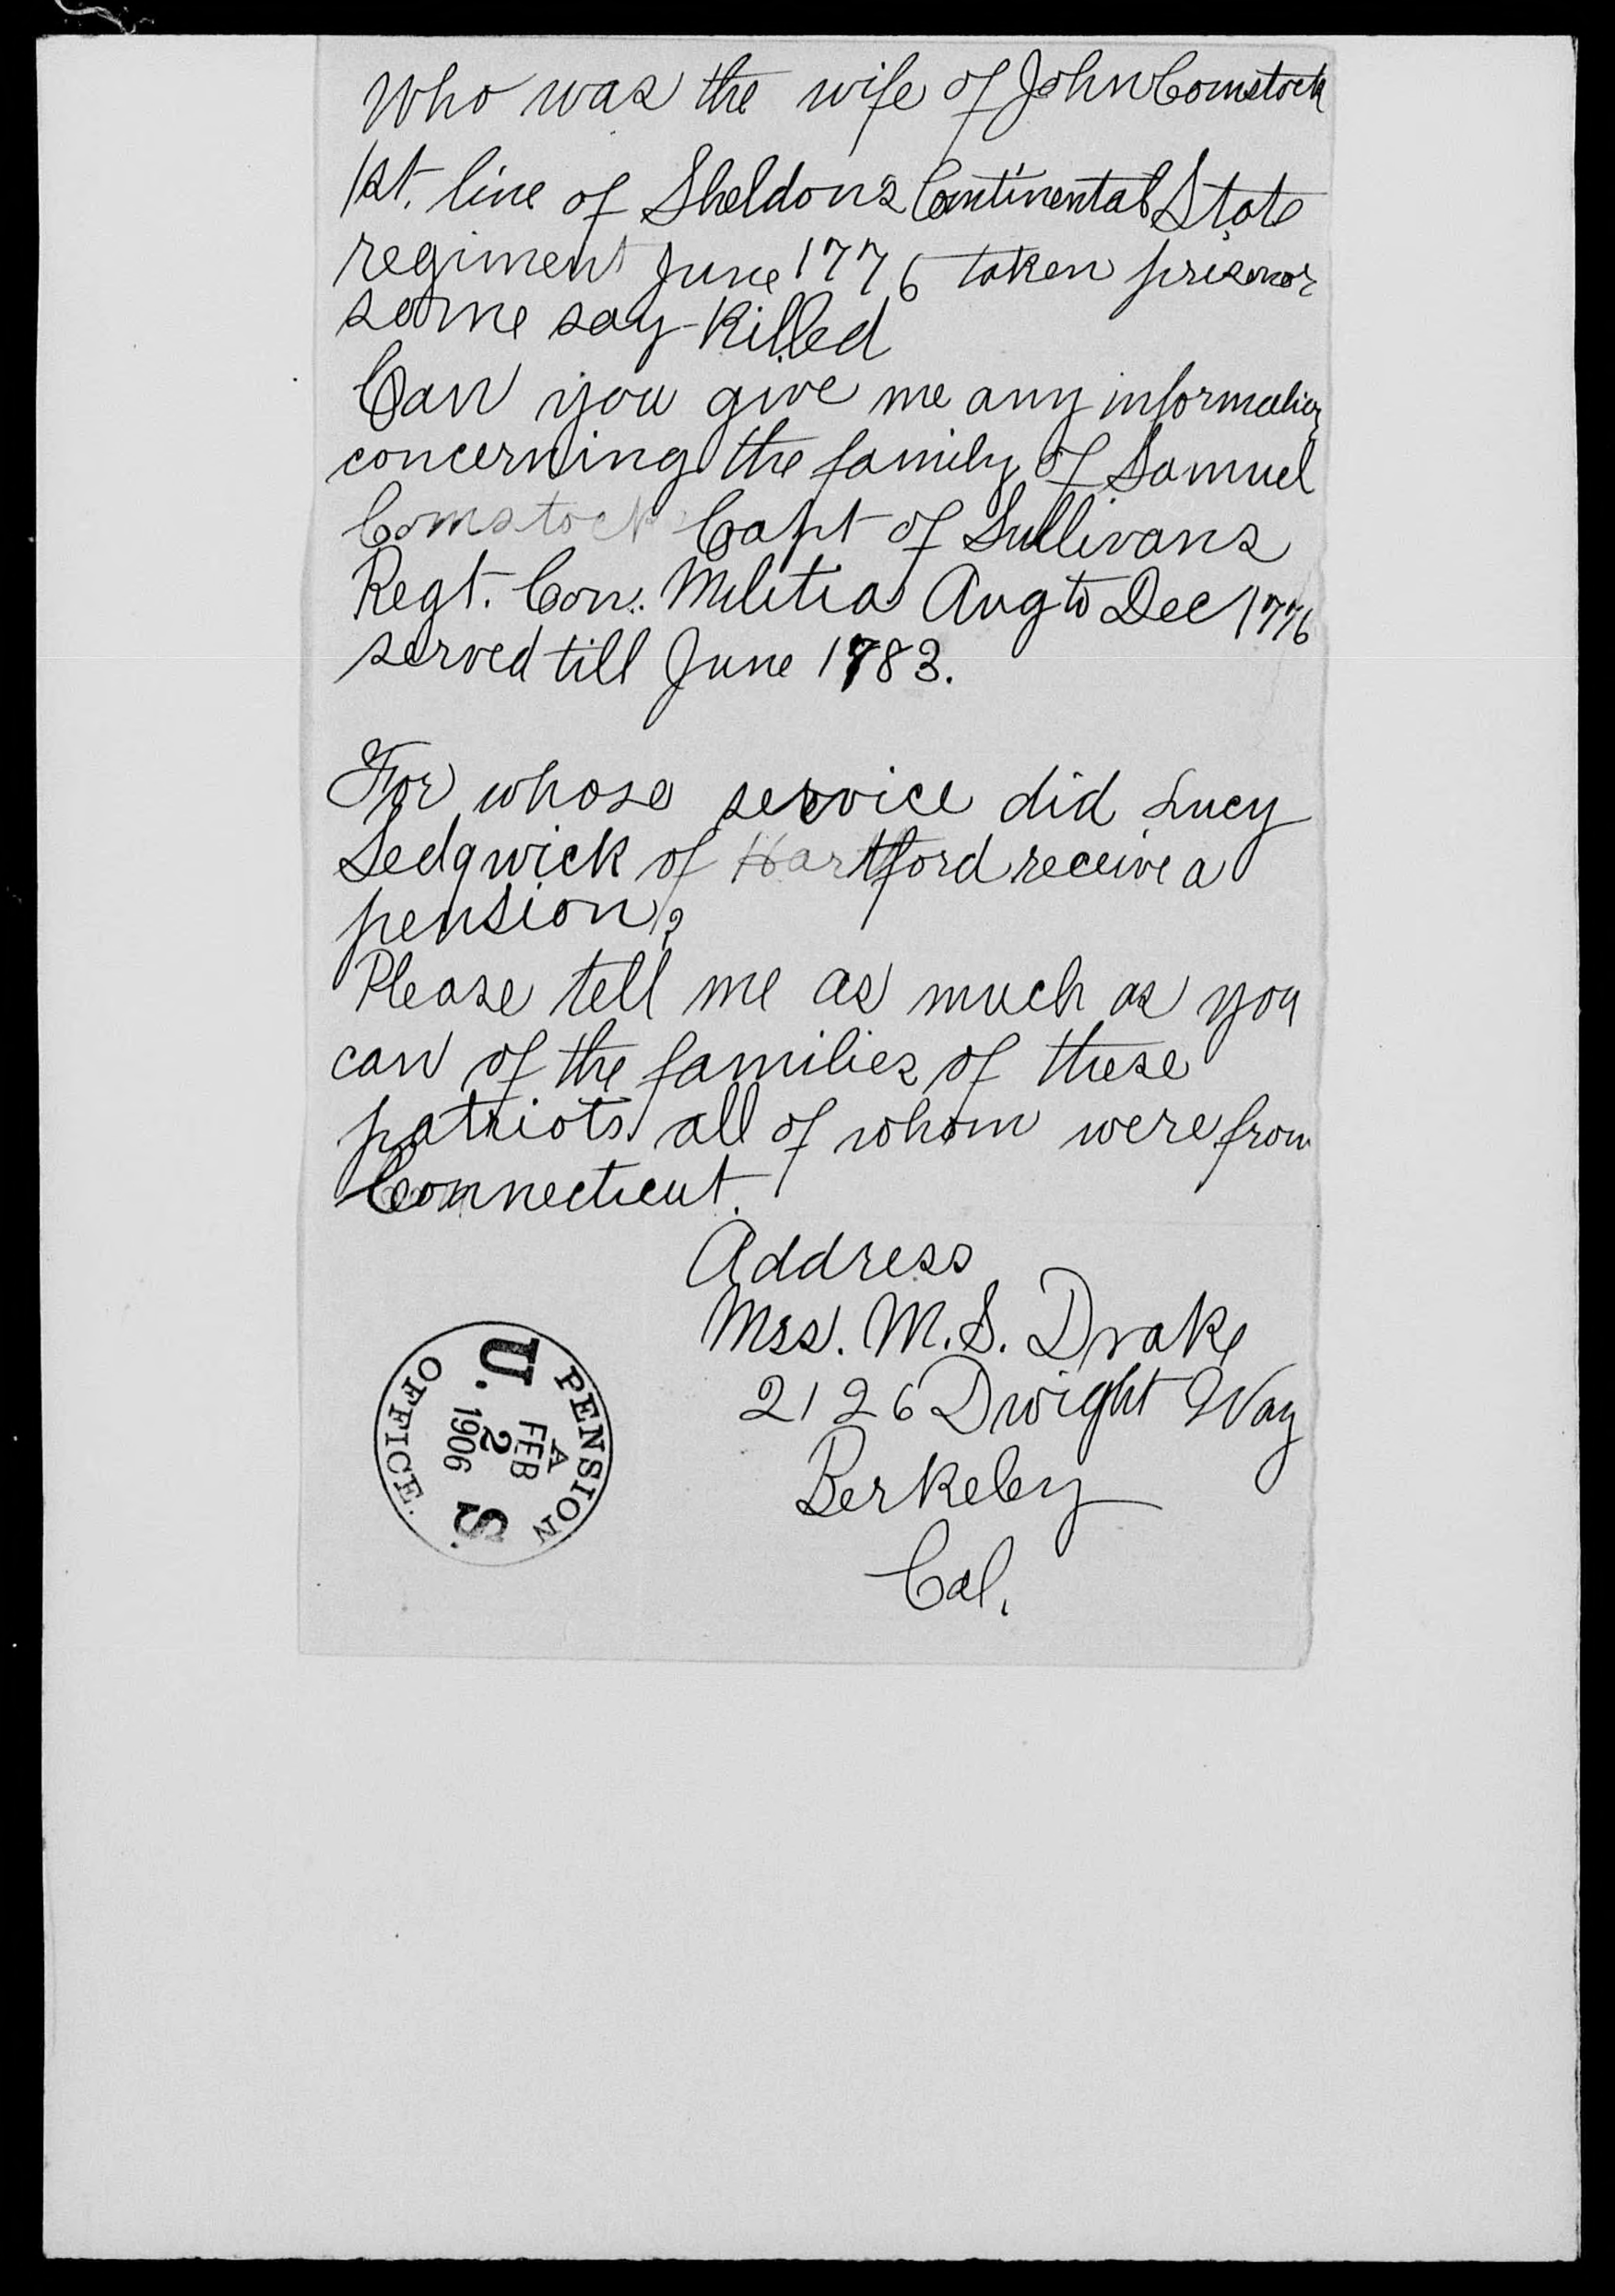Who was the wife of John Comstock [illegible] line of Sheldons Continental State regiment June 1776 taken prisoner some say killed
Can you give me any information concerning the family of Samuel Comstock Capt of Sullivans Regt. Con. Militia Aug to Dec 1776 served till June 1783.

For whose service did Lucy Sedgwick of Hartford receive a pension?

Please tell me as much as you can of the families of these patriots all of whom were from Connecticut.
Address
Mrs. M. S. Drake
2126 Dwight Way
Berkeley
Cal.

[circular stamp, sideways] PENSION
A
FEB
U. 2 S.
1906
OFFICE.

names: John Comstock, M S Drake, Samuel Comstock, Lucy Sedgwick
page: 26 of 43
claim: widow's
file: W. 17,647, Aaron Comstock, Conn.